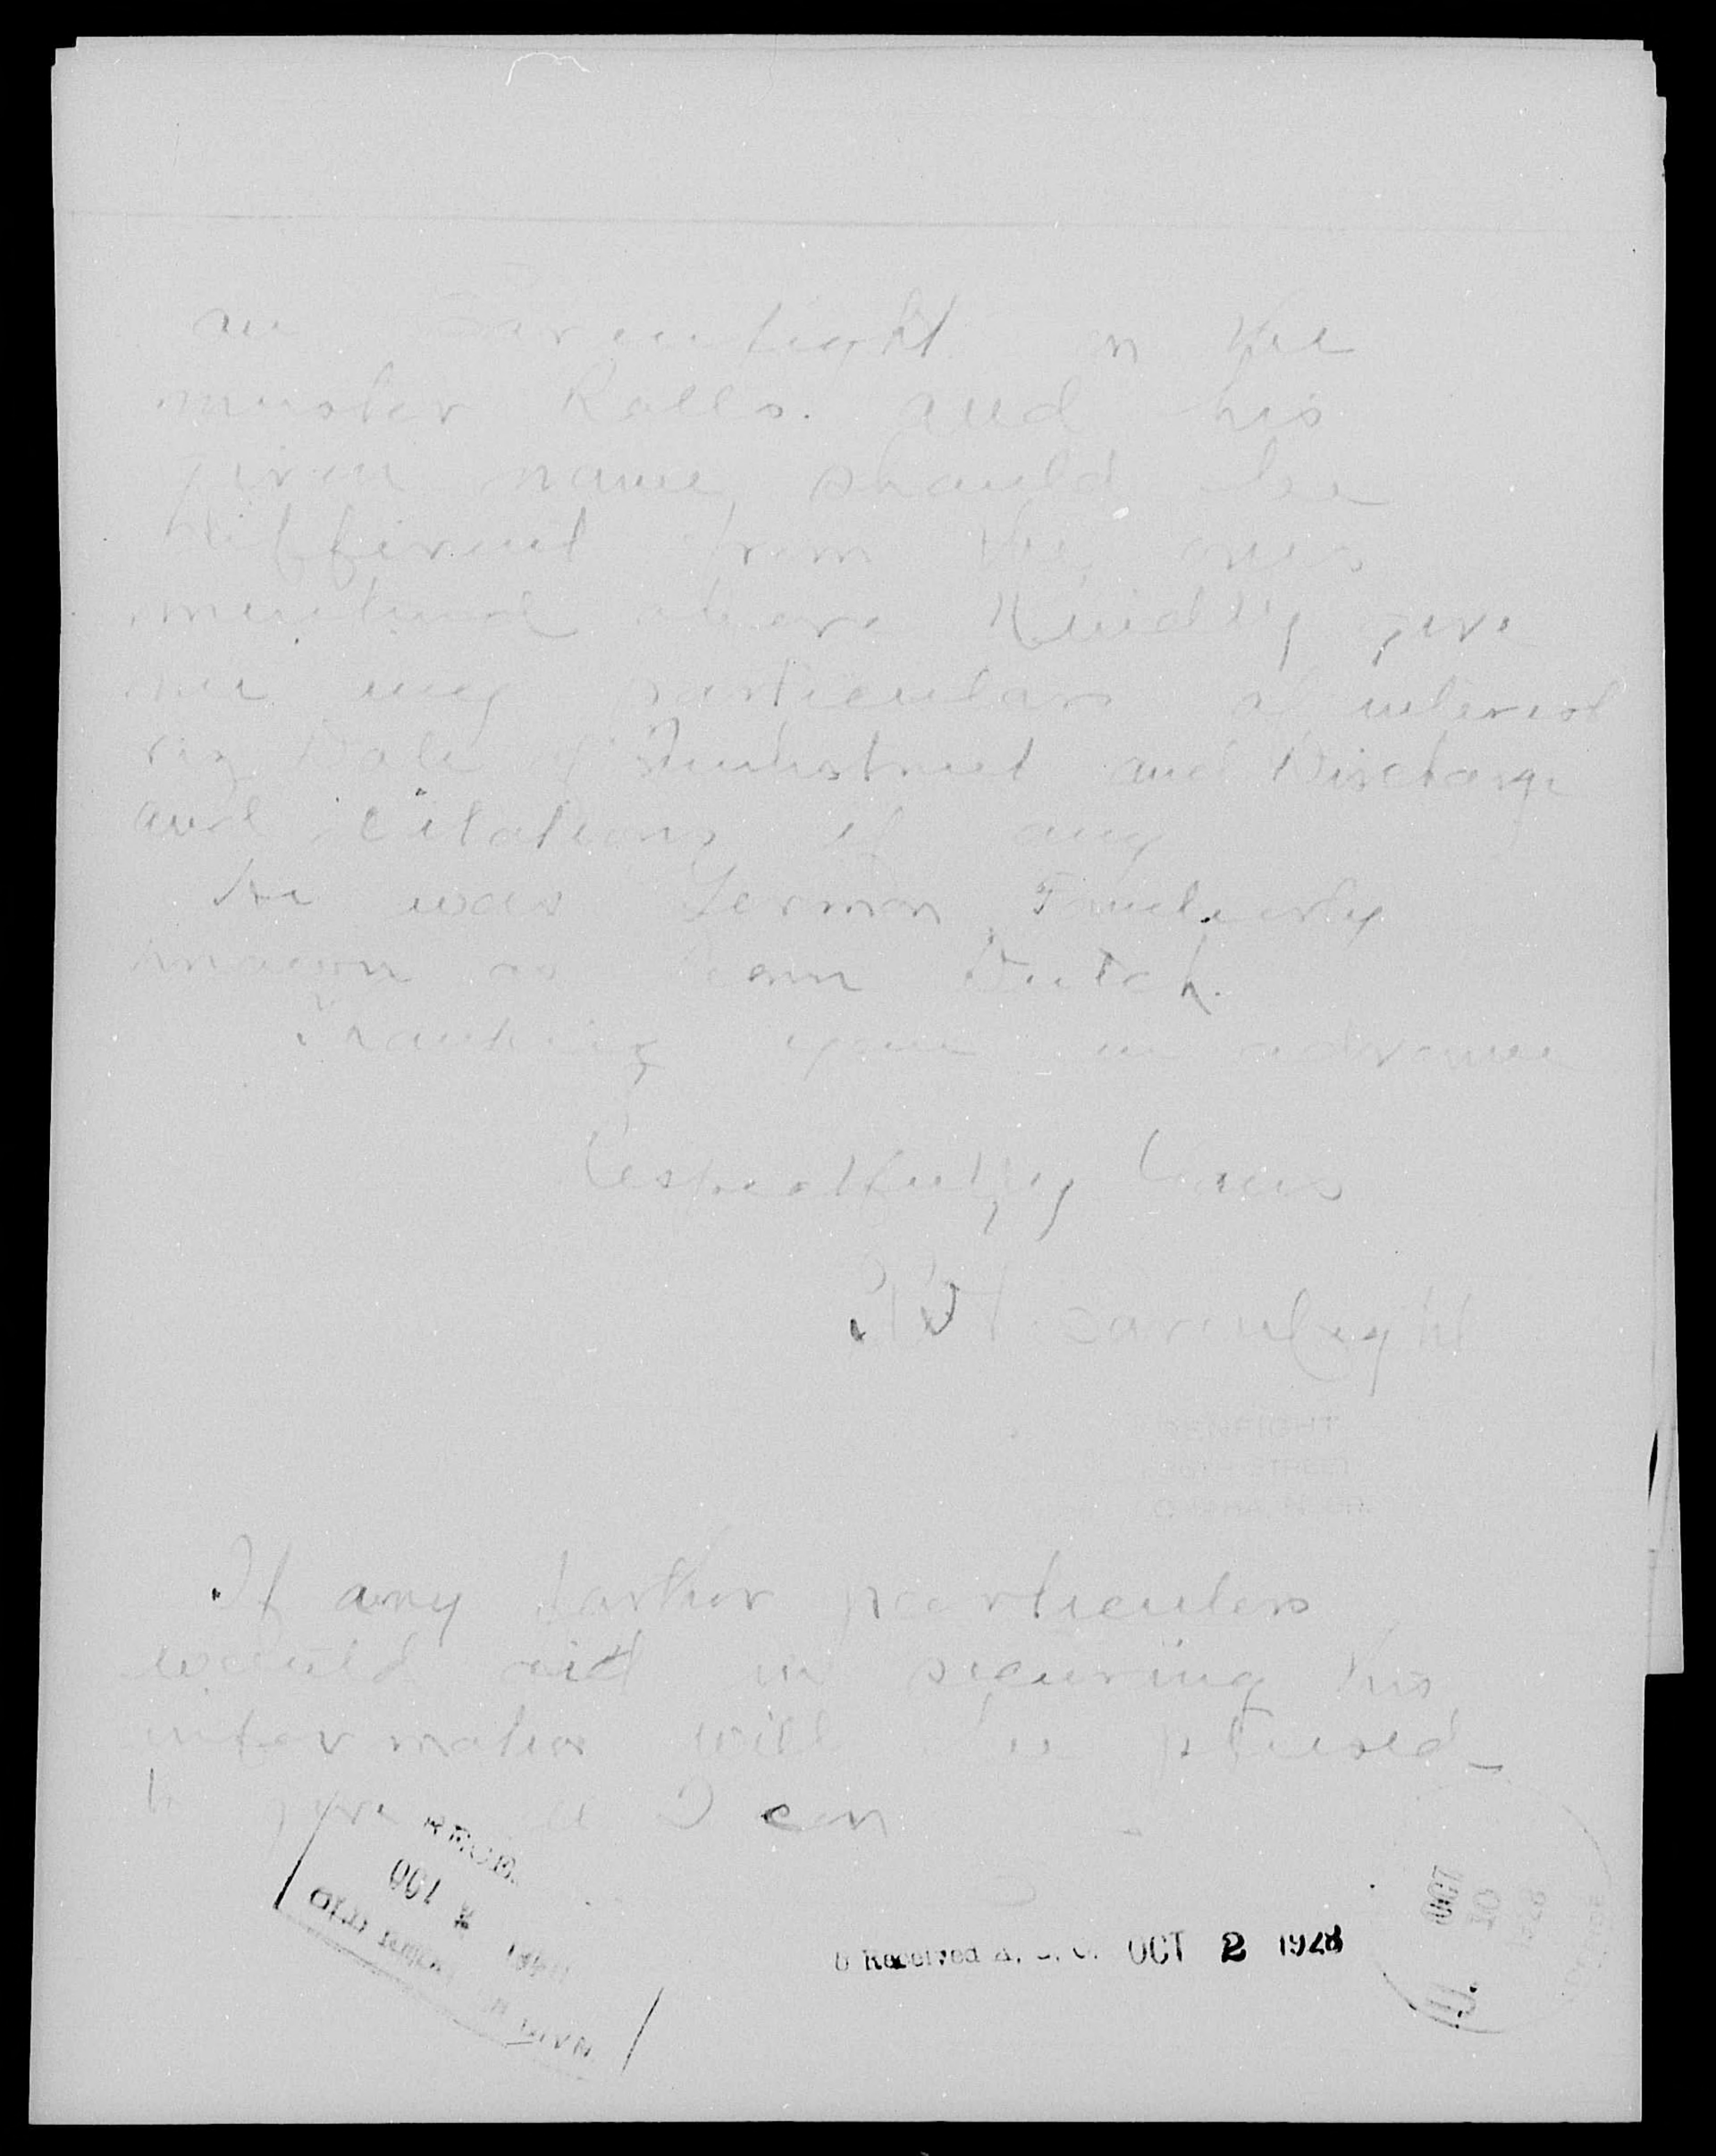an Earnfight in the
master Rolls and his given name should be
different from the name
mustered then kindly give
me any particulars of whereof
any Date of enlistment and Discharge
and citation if any.
He was German [illegible]
[illegible] Dutch.
Thanking you in advance.
R. R. Earenfight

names: Earenfight, R R Earenfight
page: 12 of 21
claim: survivor's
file: S. 42691, Jacob Earenfight, Continental Ohio Residence And Agency